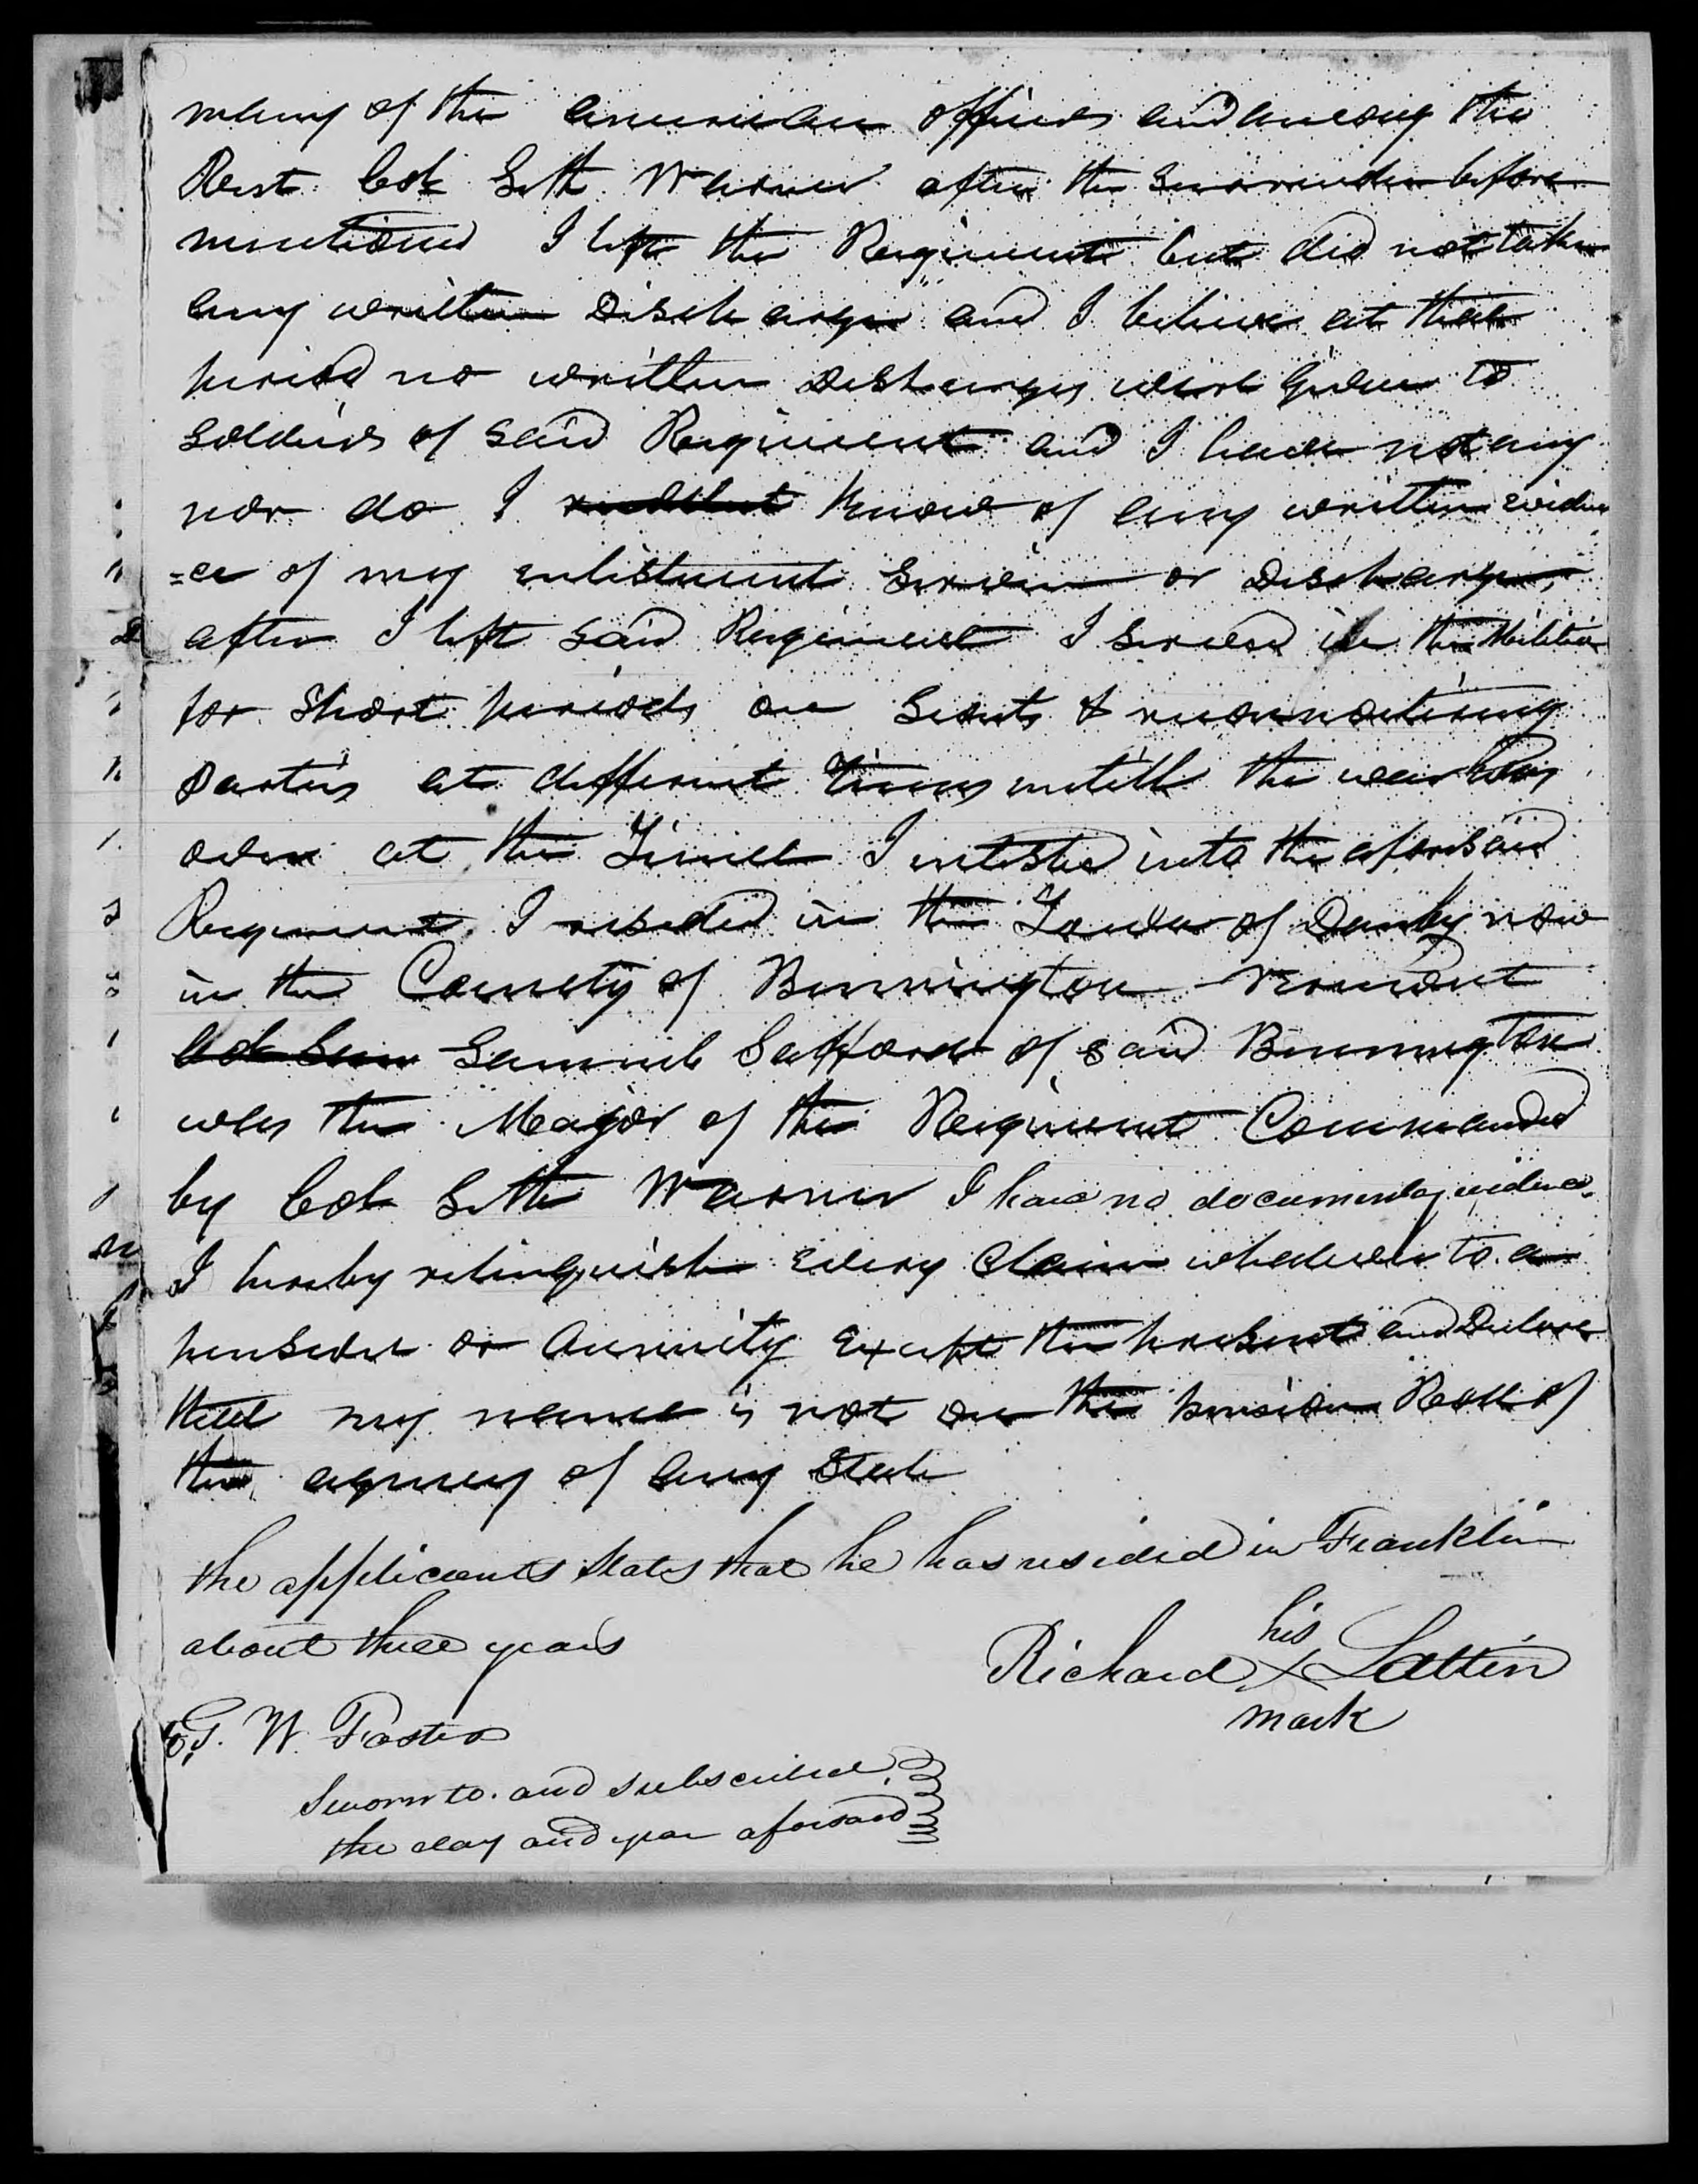many of the American officers and among the
Rest Col Seth Warner after the surrender before
mentioned. I left the Regiment but did not take
any written discharge and I believe at that
period no written Discharges were Given to 
Soldiers of said Regiment and I have nothing
nor do I know of any written evidence of my
 enlistment, Service or Discharge.
After I left said Regiment I served in the Militia
for short periods on scouts & [reconnoitering]
parties at different times untill the war was
over. At the time I enlisted into the aforesaid
Regiment. I resided in the Town of Dany
in the County of Bennington Vermont.
Samuel Safford of said Bennington
was the Major of this Regiment commanded
by Col. Seth Warner. I have no documentary evidence.
I hereby relinquish every claim whatever to a
pension or annuity except the present and Declare
that my name is not on the pension Roll of
the agency of any State.
The applicant states that he has resided in Franklin
about three years.
Richard Lattin his mark

 G. W.  Foster
Sworn to and subscribed the day and year aforesaid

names: Seth Warner; Richard Lattin; G W Foster; [BLANK] Safford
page: 6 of 99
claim: widow's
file: W. 24,482, for Richard Lattin, Vermont